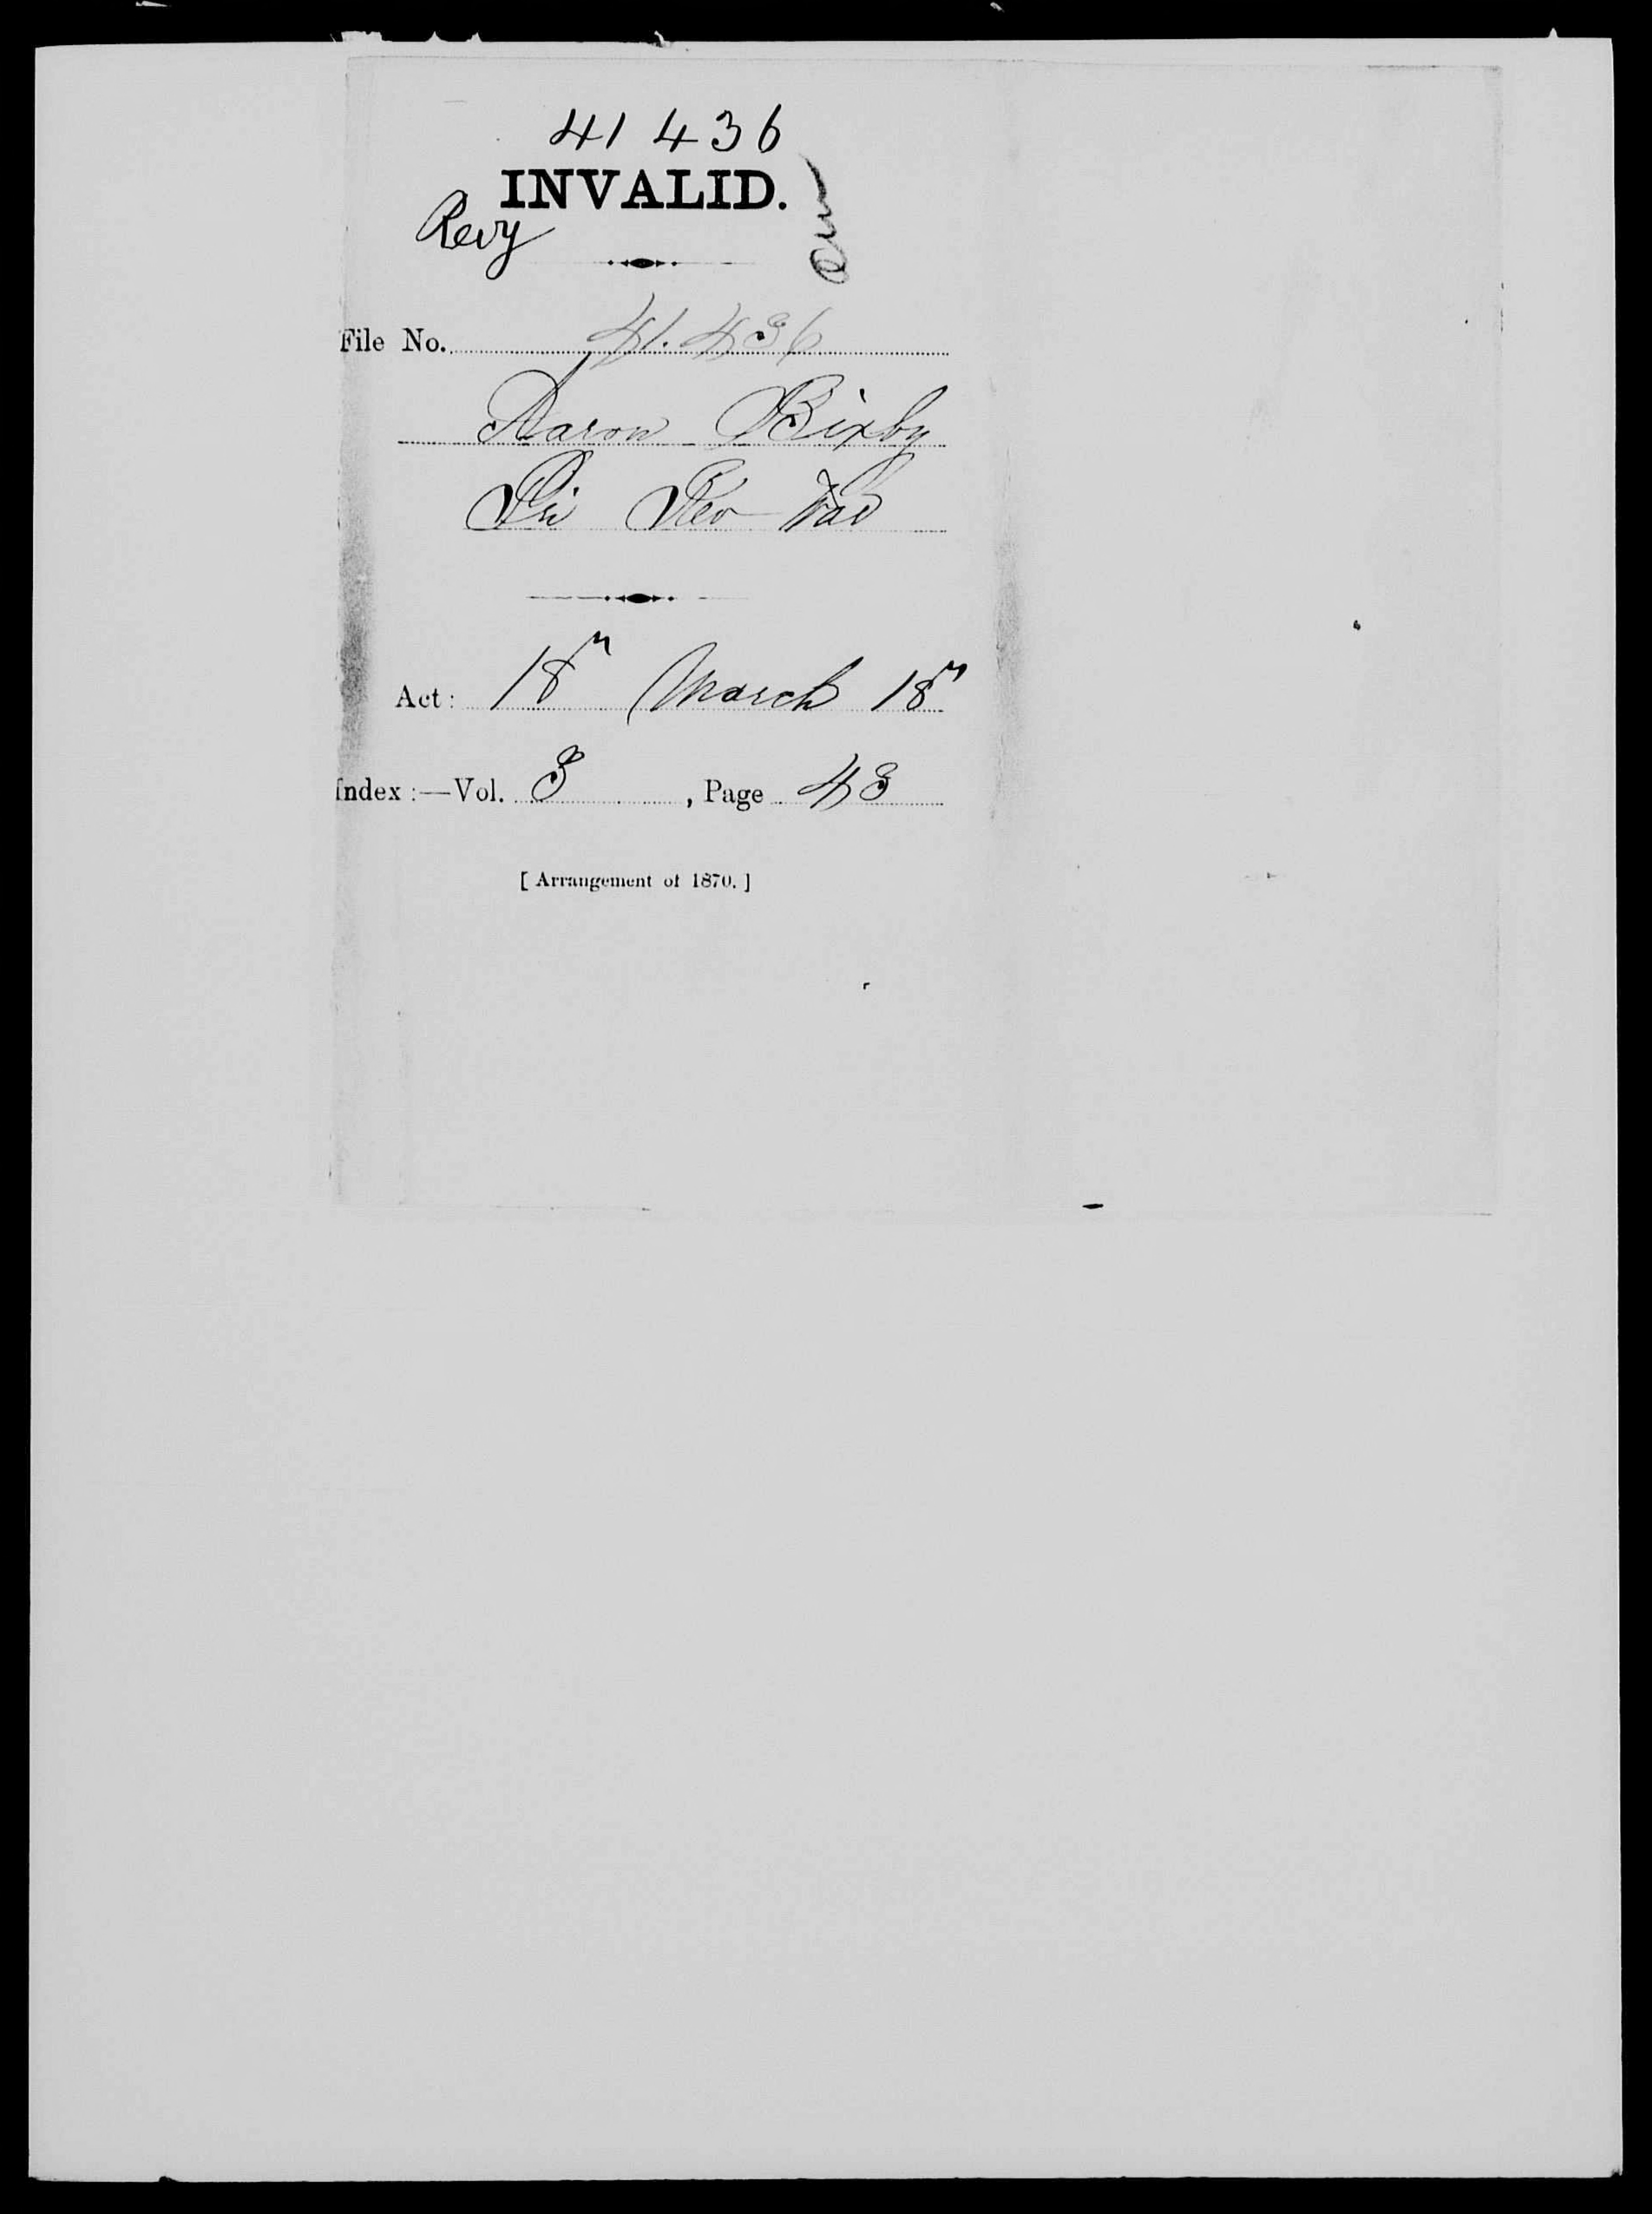41436
INVALID.
Revy [illegible initials]

File No. 41,436
Aaron Bixby 
Priv Rev War

Act: 18" March 18"

Index:--Vol. S, Page 48

[ Arrangement of 1870. ]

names: Aaron Bixby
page: 7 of 17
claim: survivor's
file: S 41436, Aaron Bixby, N.H.